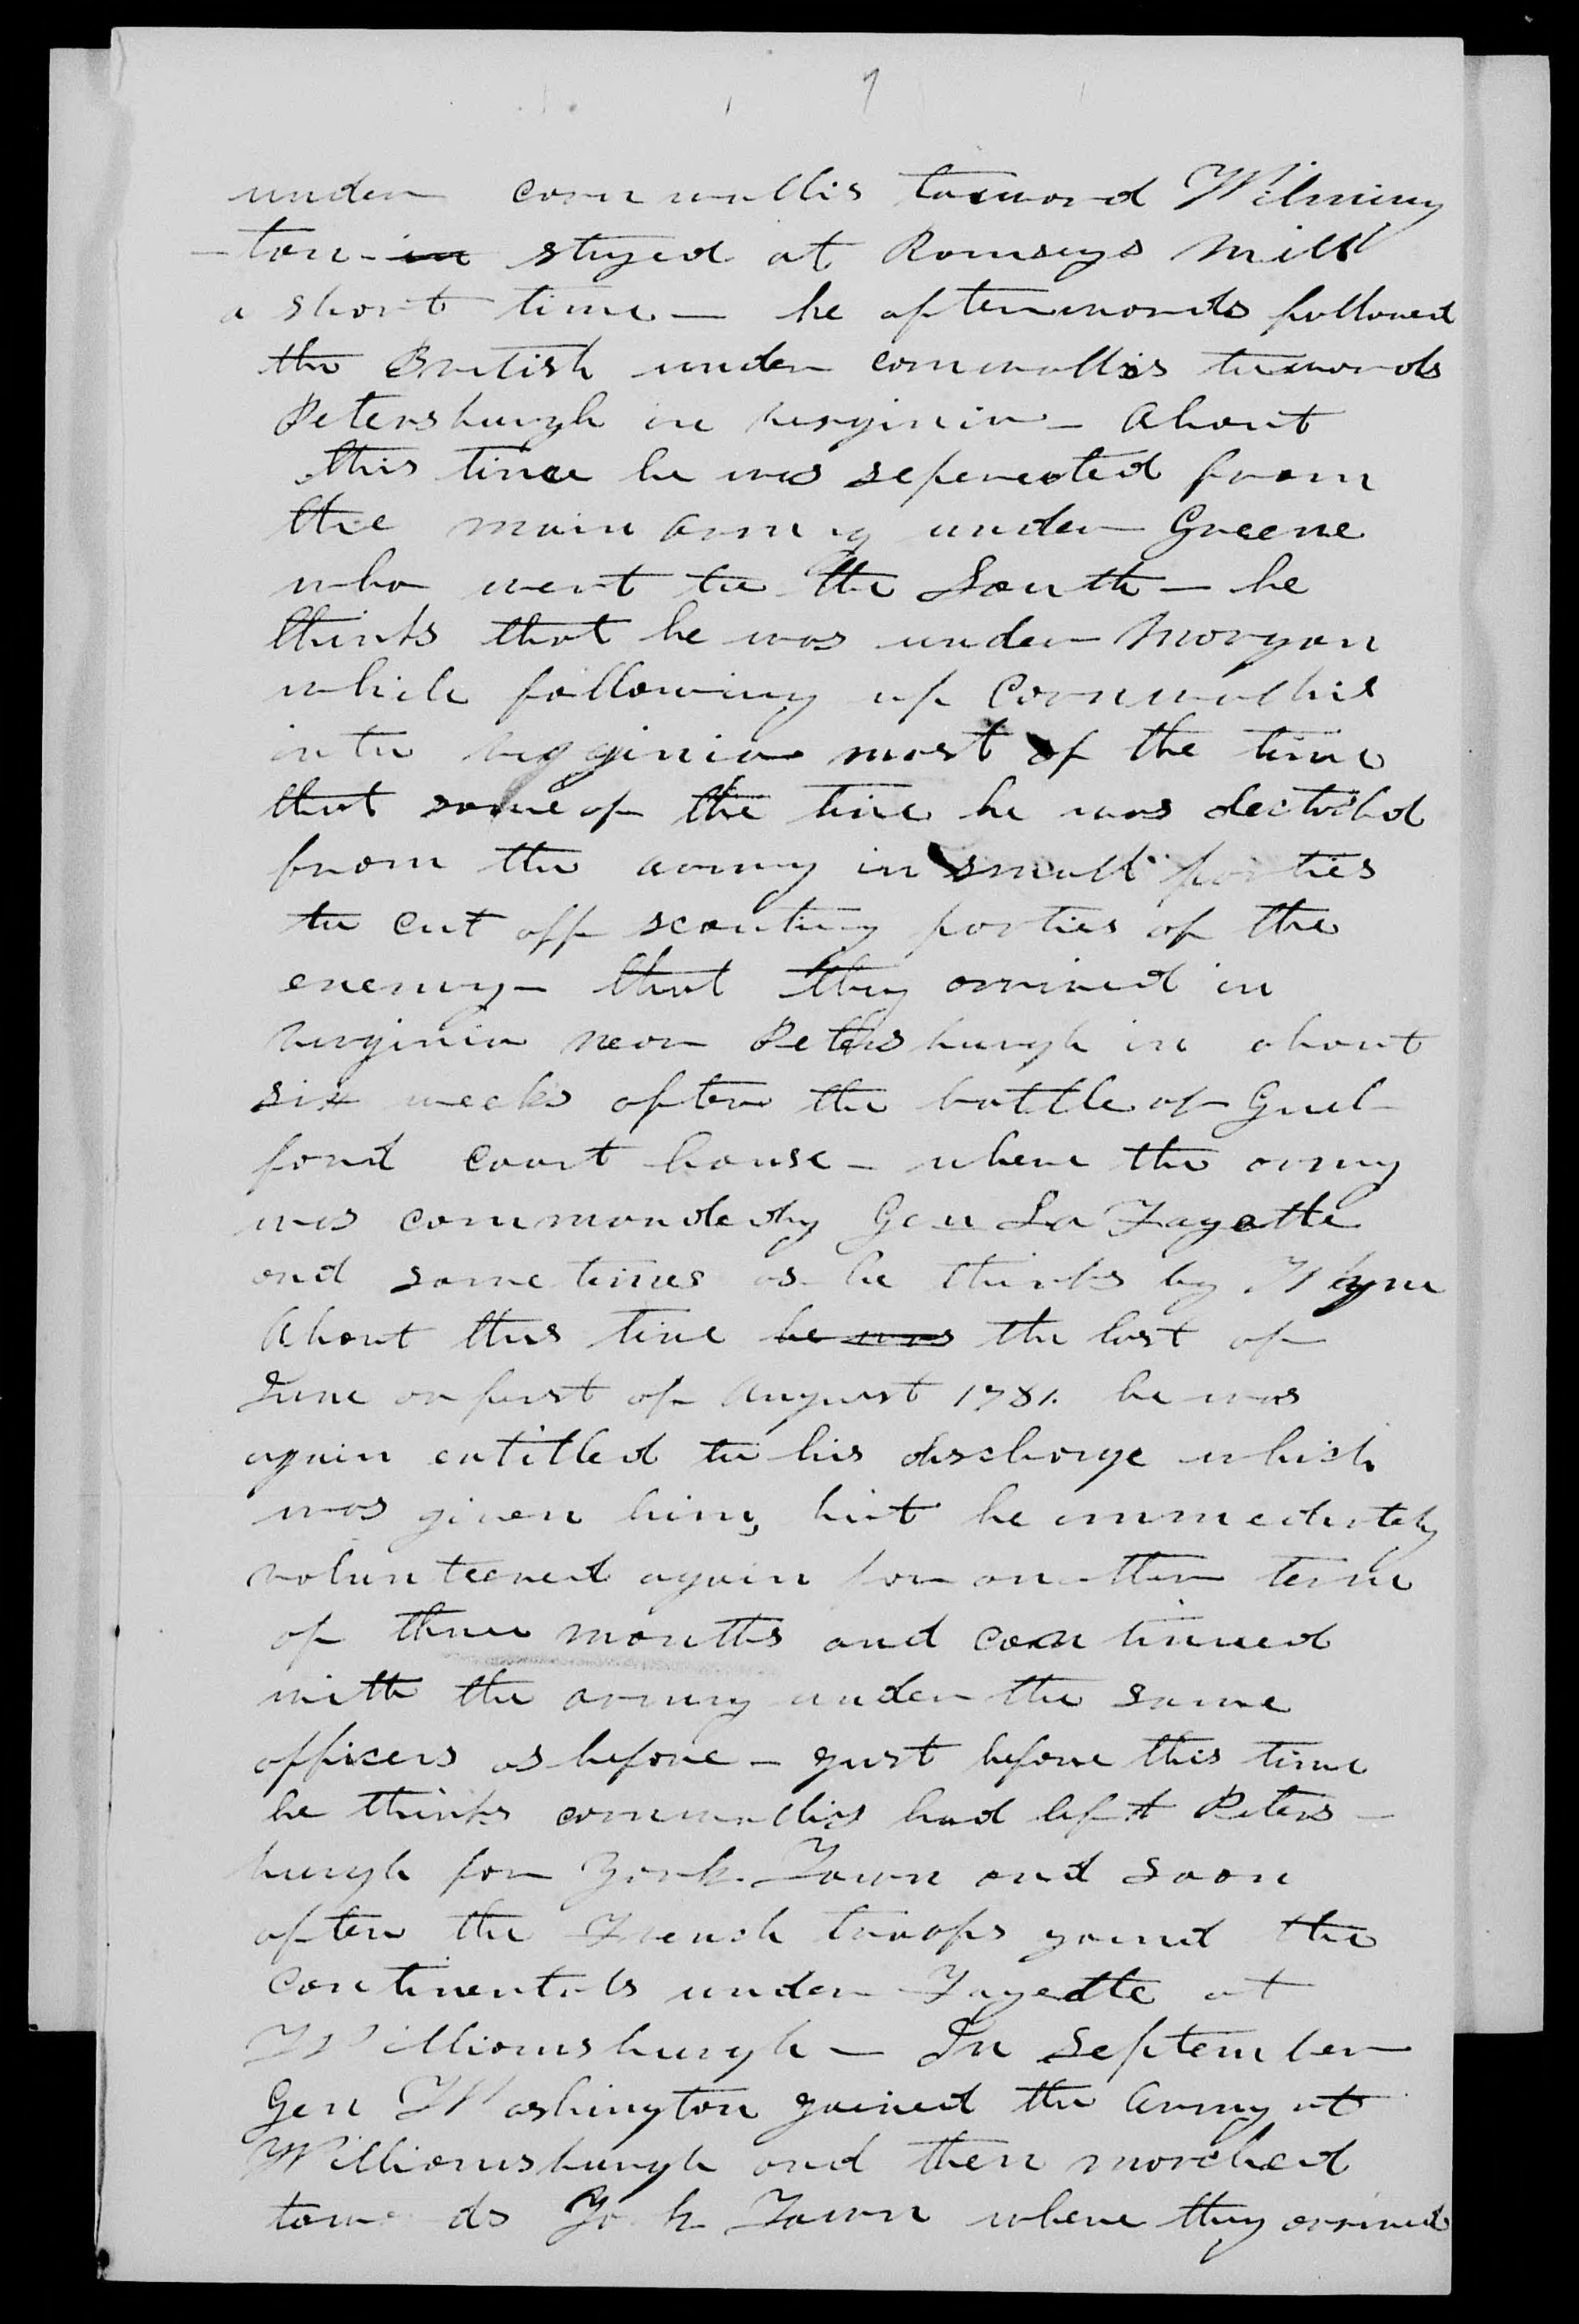under Cornwallis toward Wilmington stayed at Romseys Mill a short time  - he afterwords followed the British under Cornwallis towards Petersburgh in Virginia. About this time he was separated from the main army under Greene who went to the South- he thinks that he was under Morgan while following up Cornwallis into Virginia most of the time that some of the time he was detached from the army in small parties the cut off scouting parties of the enemy- that they arrived in Virginia near Petersburgh in about six weeks after the battle of Guilford Court house-- where the army was commanded by Gen La Fayette and some times as he thinks by [illegible me] About this time he was the last of June or first of August 1781, he was again entitled to his discharge which was given him, but he immediately volunteered again for another term of three months and continued with the army under the same officers as before. Just before this time he thinks Cornwallis had left Petersburgh for York Town and soon after the French troops joined the continentals under Fayette at Williamsburgh - In September Gen Washington joined the Army at Williamsburgh and then marched towards York Town where they arrived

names: [BLANK] Greene; [BLANK] Morgan; [BLANK] La Fayette; [BLANK] Washington; [BLANK] Cornwallis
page: 21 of 69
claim: widow's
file: W. 10861, for James Patterson, North Carolina